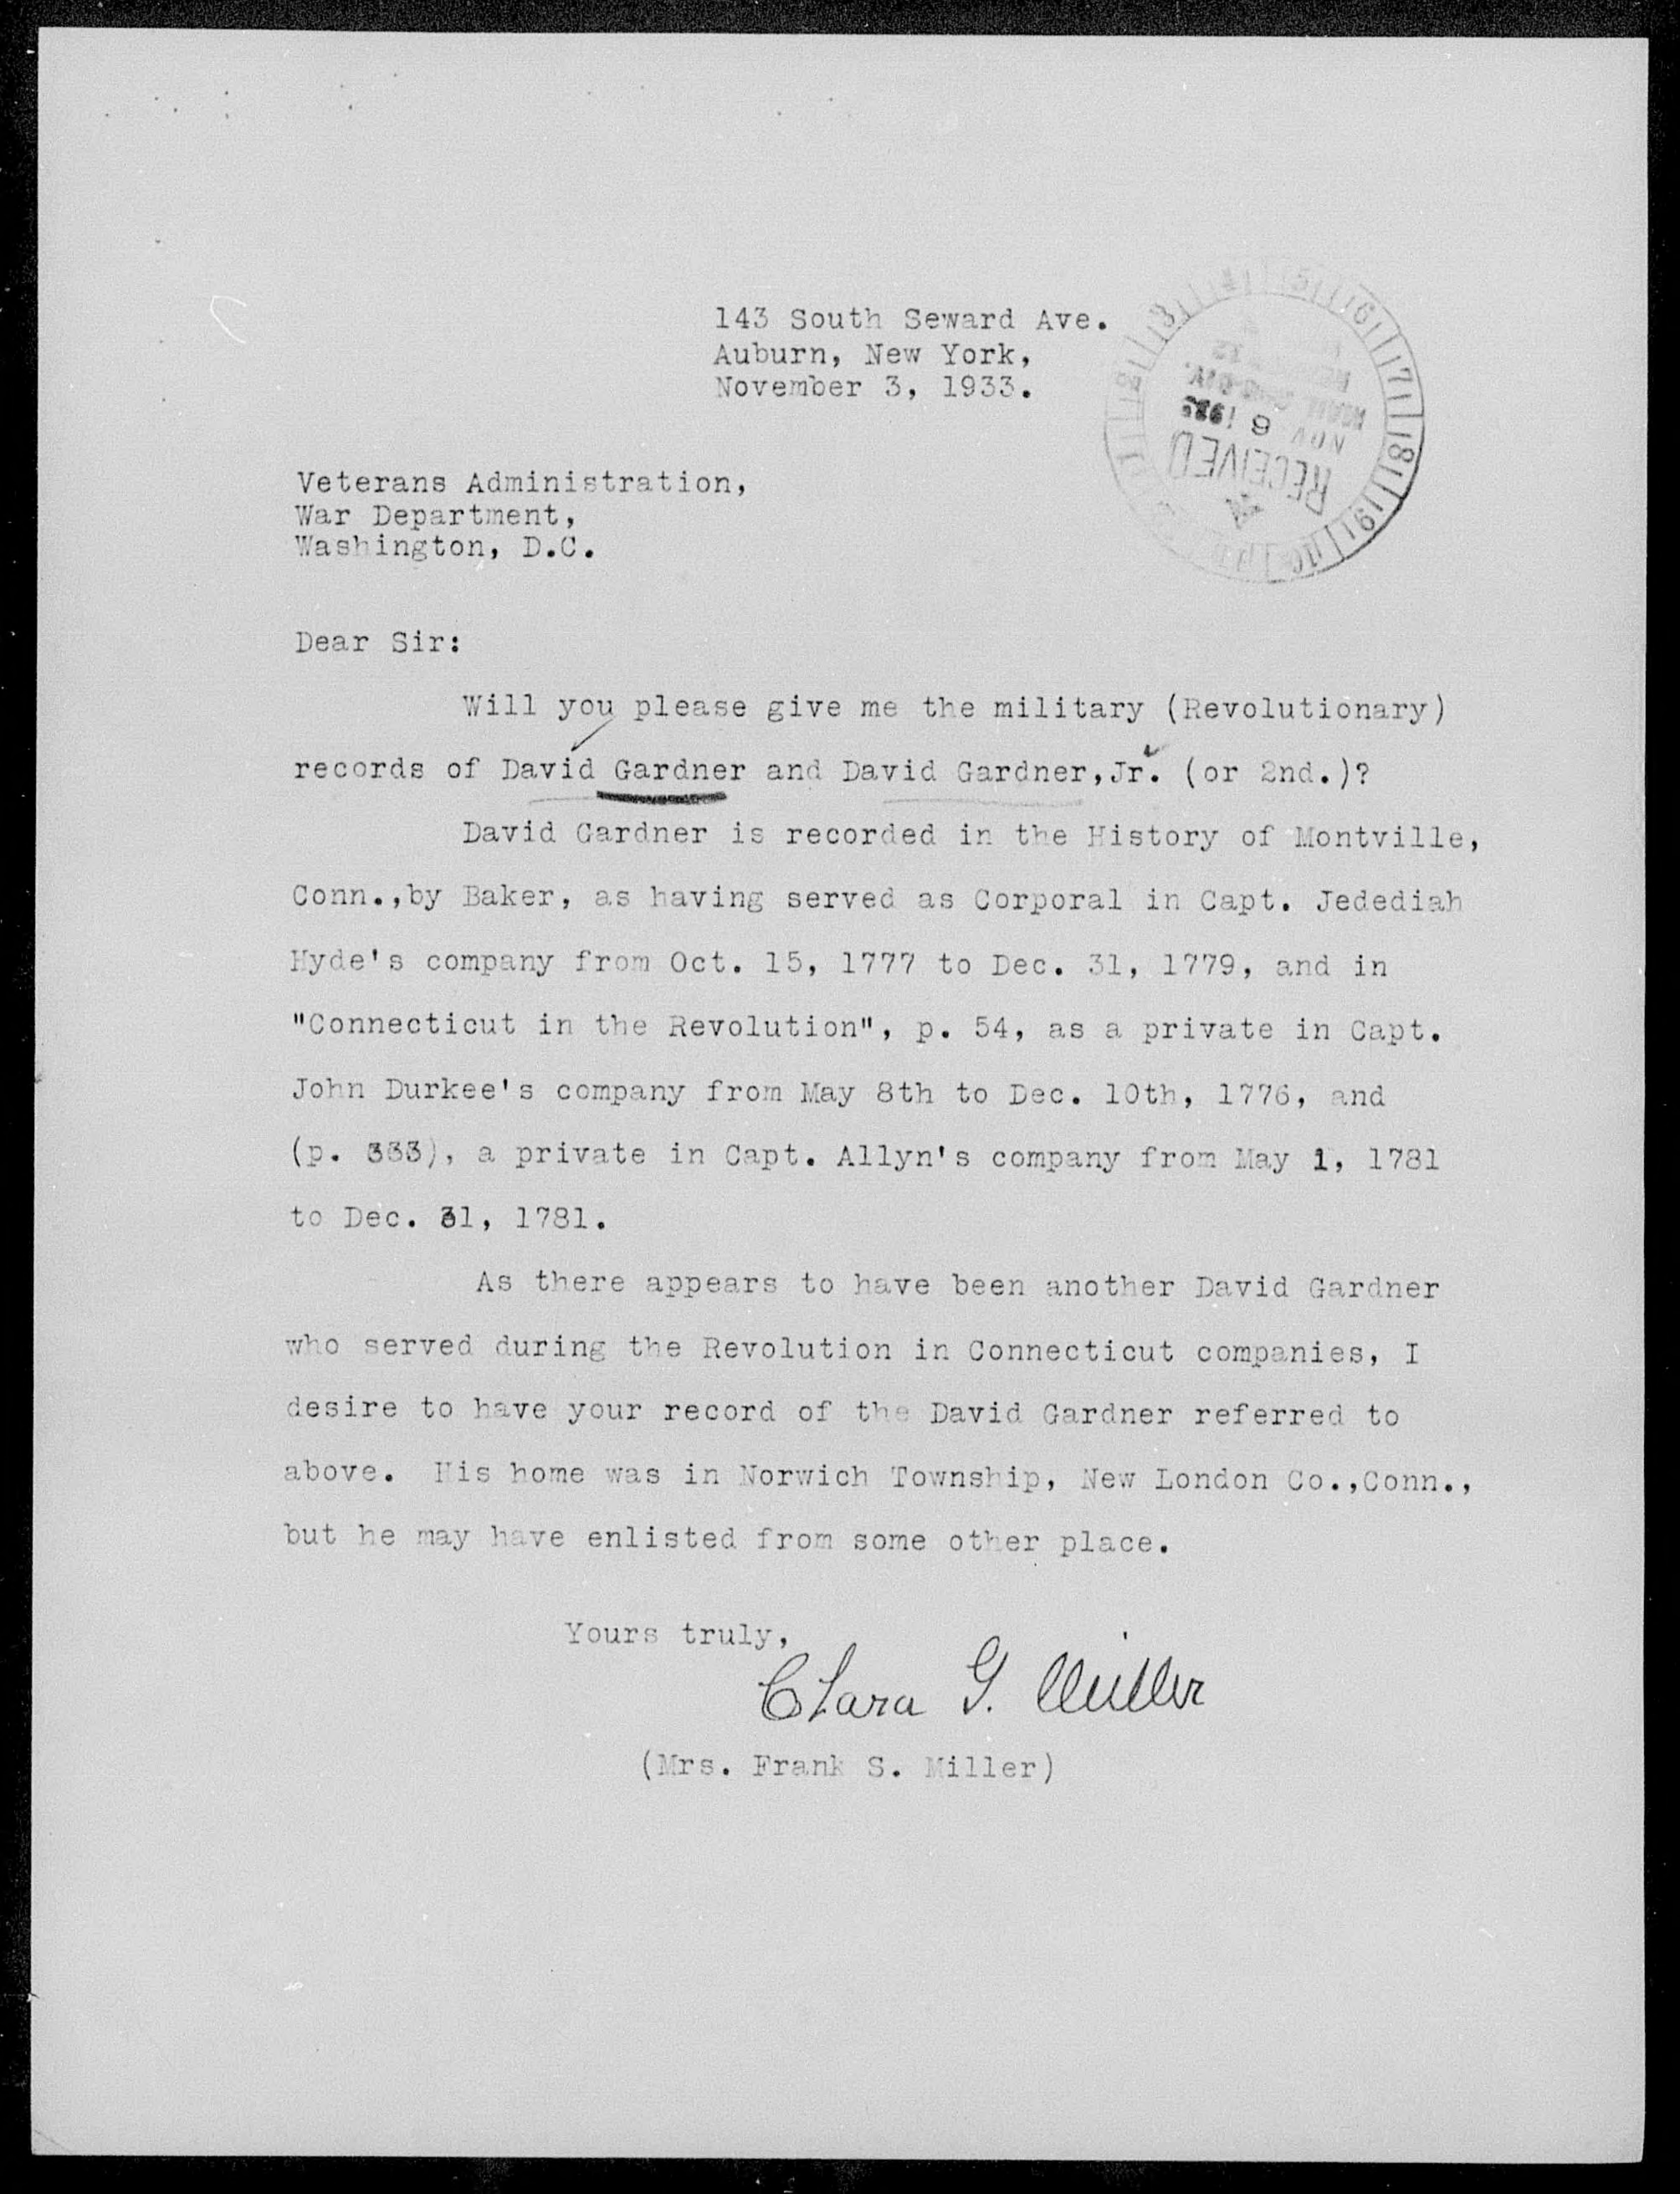[circle stamp]
Received 
Nov 6 1932
Mail Sub-Div
Reader #12
VETS ADM



143 South Seward Ave. 
Auburn, New York,
November 3, 1933.

Veterans Administration,
War Department,
Washington, D.C.

Dear Sir:

Will you please give me the military (Revolutionary) records of David Gardner [there's a check above David and a line underlined under Gardner] and David Gardner, Jr. [there's a check above Jr.] (or 2nd.)?

David Gardner is recorded in the History of Montville, Conn., by Baker, as having served as Corporal in Capt. Jedediah Hyde's company from Oct. 15, 1777 to Dec. 31, 1779, and in "Connecticut in the Revolution", p. 54, as a private in Capt. John Durkee's company from May 8th to Dec. 10th, 1776, and (p. 333), a private in Capt. Allyn's company from May 1, 1781 to Dec. 31, 1781.

As there appears to have been another David Gardner who served during the Revolution in Connecticut companies, I desire to have your record of the David Gardner referred to above. His home was in Norwich Township, New London Co., Conn., but he may have enlisted from some other place.

Yours Truly,
Clara G. Miller
(Mrs. Frank S. Miller)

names: David Gardner, David Gardner, Baker, Clara G Willer, Frank S Miller, David Gardner, David Gardner, David Gardner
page: 45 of 66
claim: widow's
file: W 1850, David Gardner, Conn.